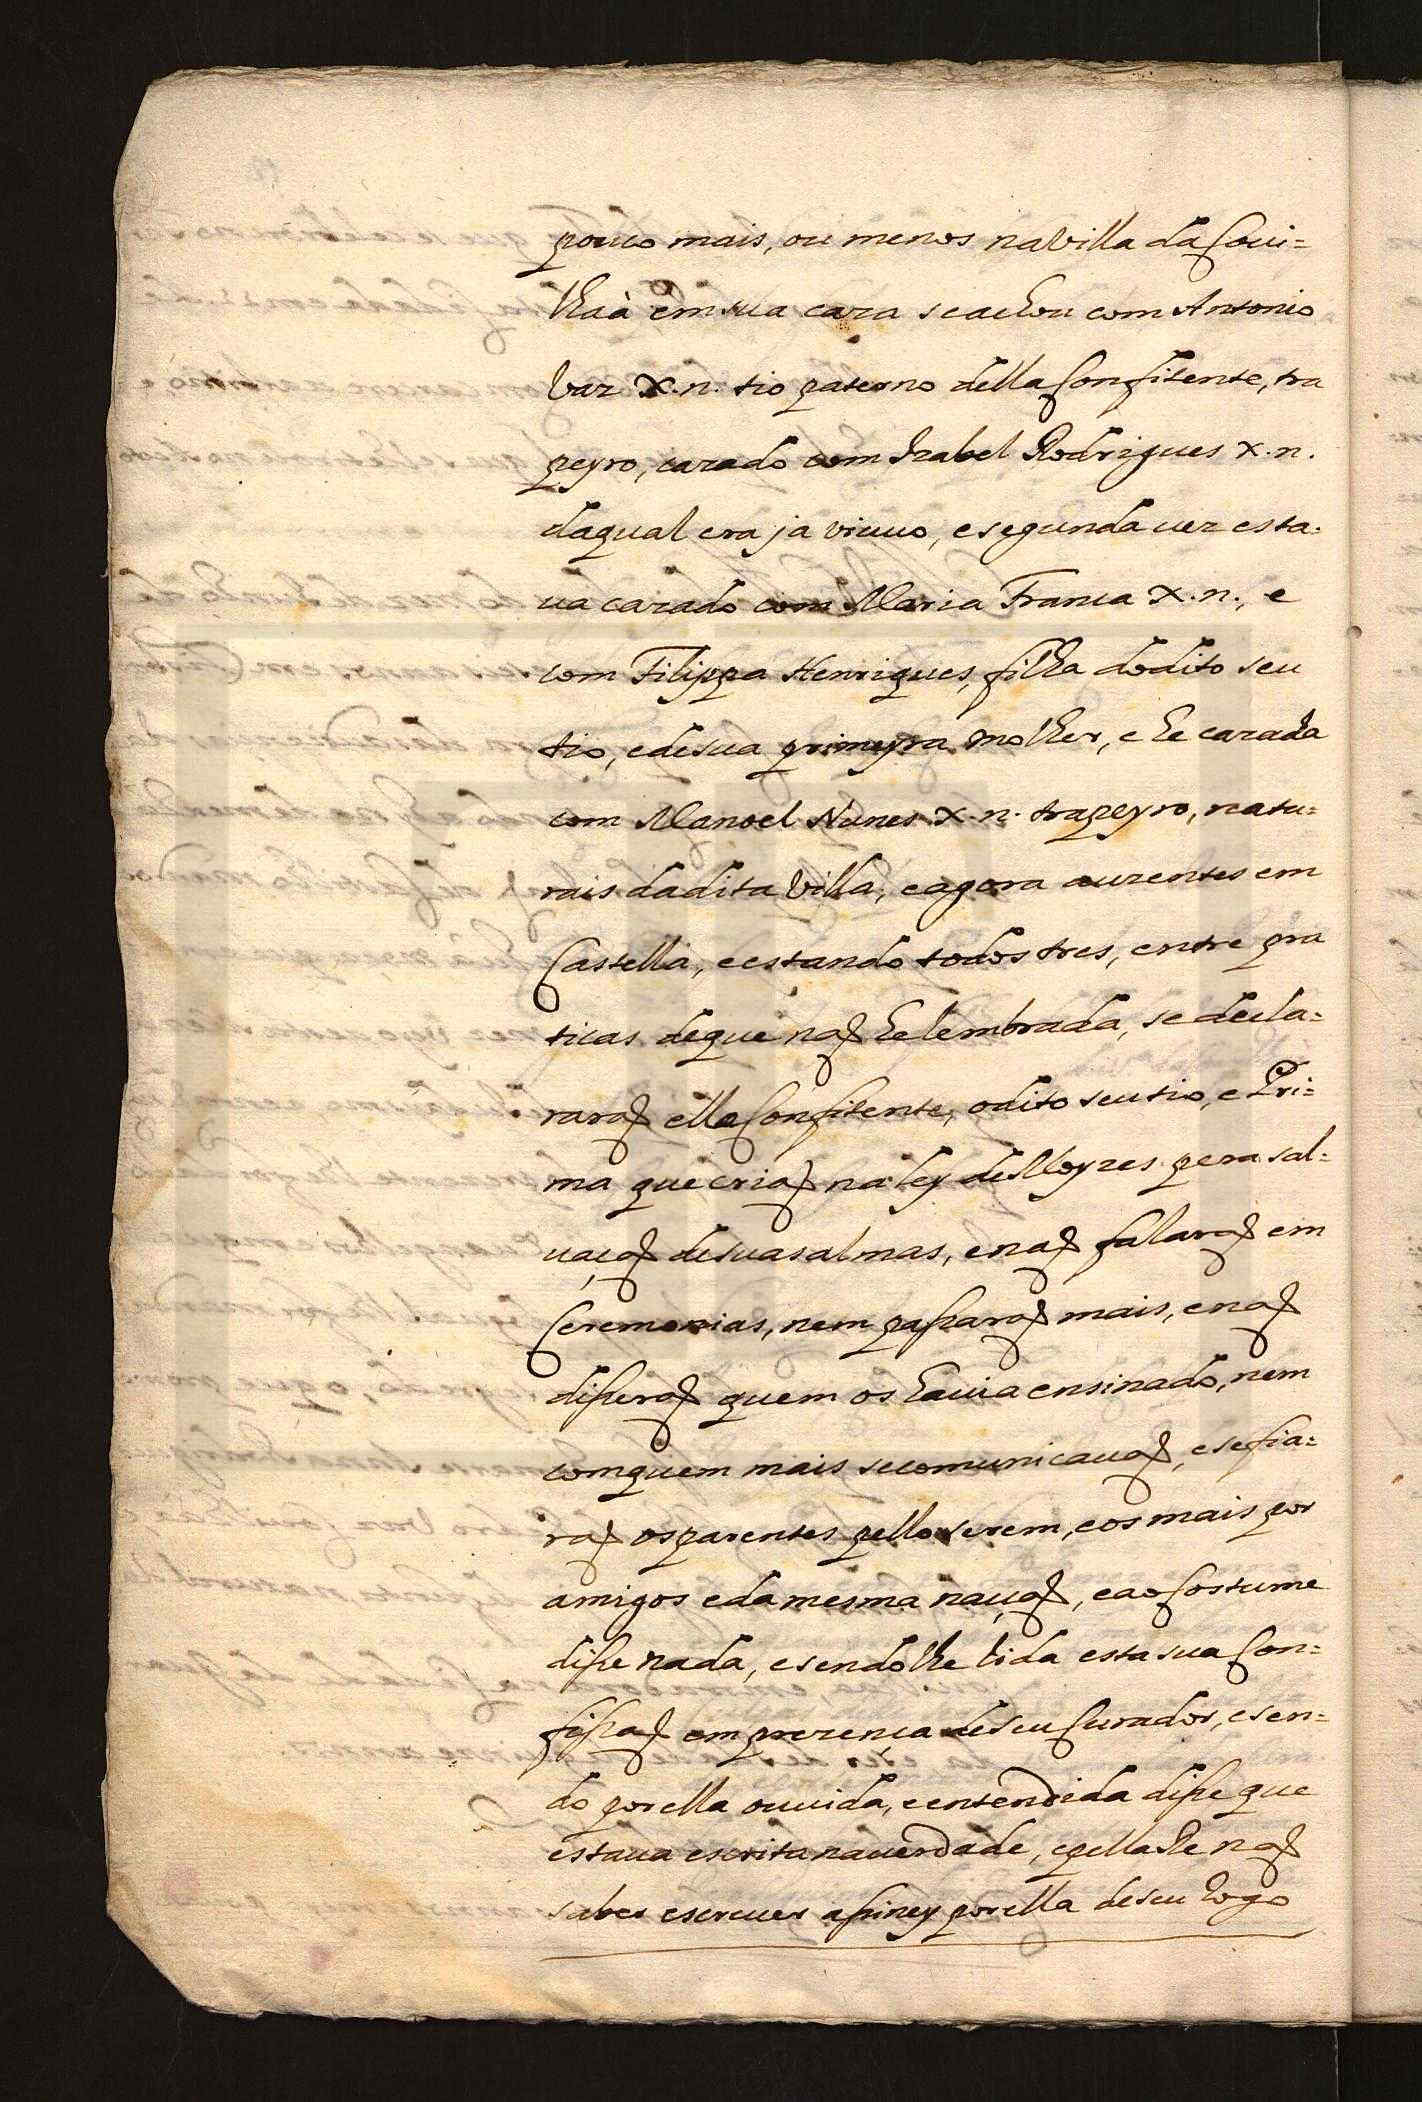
pouco mais, ou menos na villa da Coui
lhaã em sua caza se achou com Antonio
Vaz x. n. tio paterno della Confitente, tra
peyro, cazado com Izabel Rodrigues x. n.
da qual era ja viuuo, e segunda uez esta
ua cazado com Maria Franca x. n., e
com Filippa Henriques, filha do dito seu
tio, e de sua primeyra molher, e he cazada
com Manoel Nunes x. n. trapeyro, natu
rais da dita villa, e agora auzentes em
Castella, e estando todos tres, entre pra
ticas de que naõ he lembrada, se decla
raraõ ella Confitente, o dito seu tio, e Pri
ma que criaõ na ley de Moyzes pera sal
uaçaõ de suas almas, e naõ falaraõ em
Ceremonias, nem passaraõ mais, e naõ
disseraõ quem os hauia ensinado, nem
com quem mais se comunicauaõ, e se fia
raõ os parentes pello serem, e os mais por
amigos e da mesma nacçaõ, e ao Costume
disse nada, e sendolhe lida esta sua Con
fissaõ em prezença de seu Curador, e sen
do por ella ouuvida, e entendida disse que
estaua escrita na uerdade, e pella Re naõ
saber escreuer assiney por ella de seu Rogo
